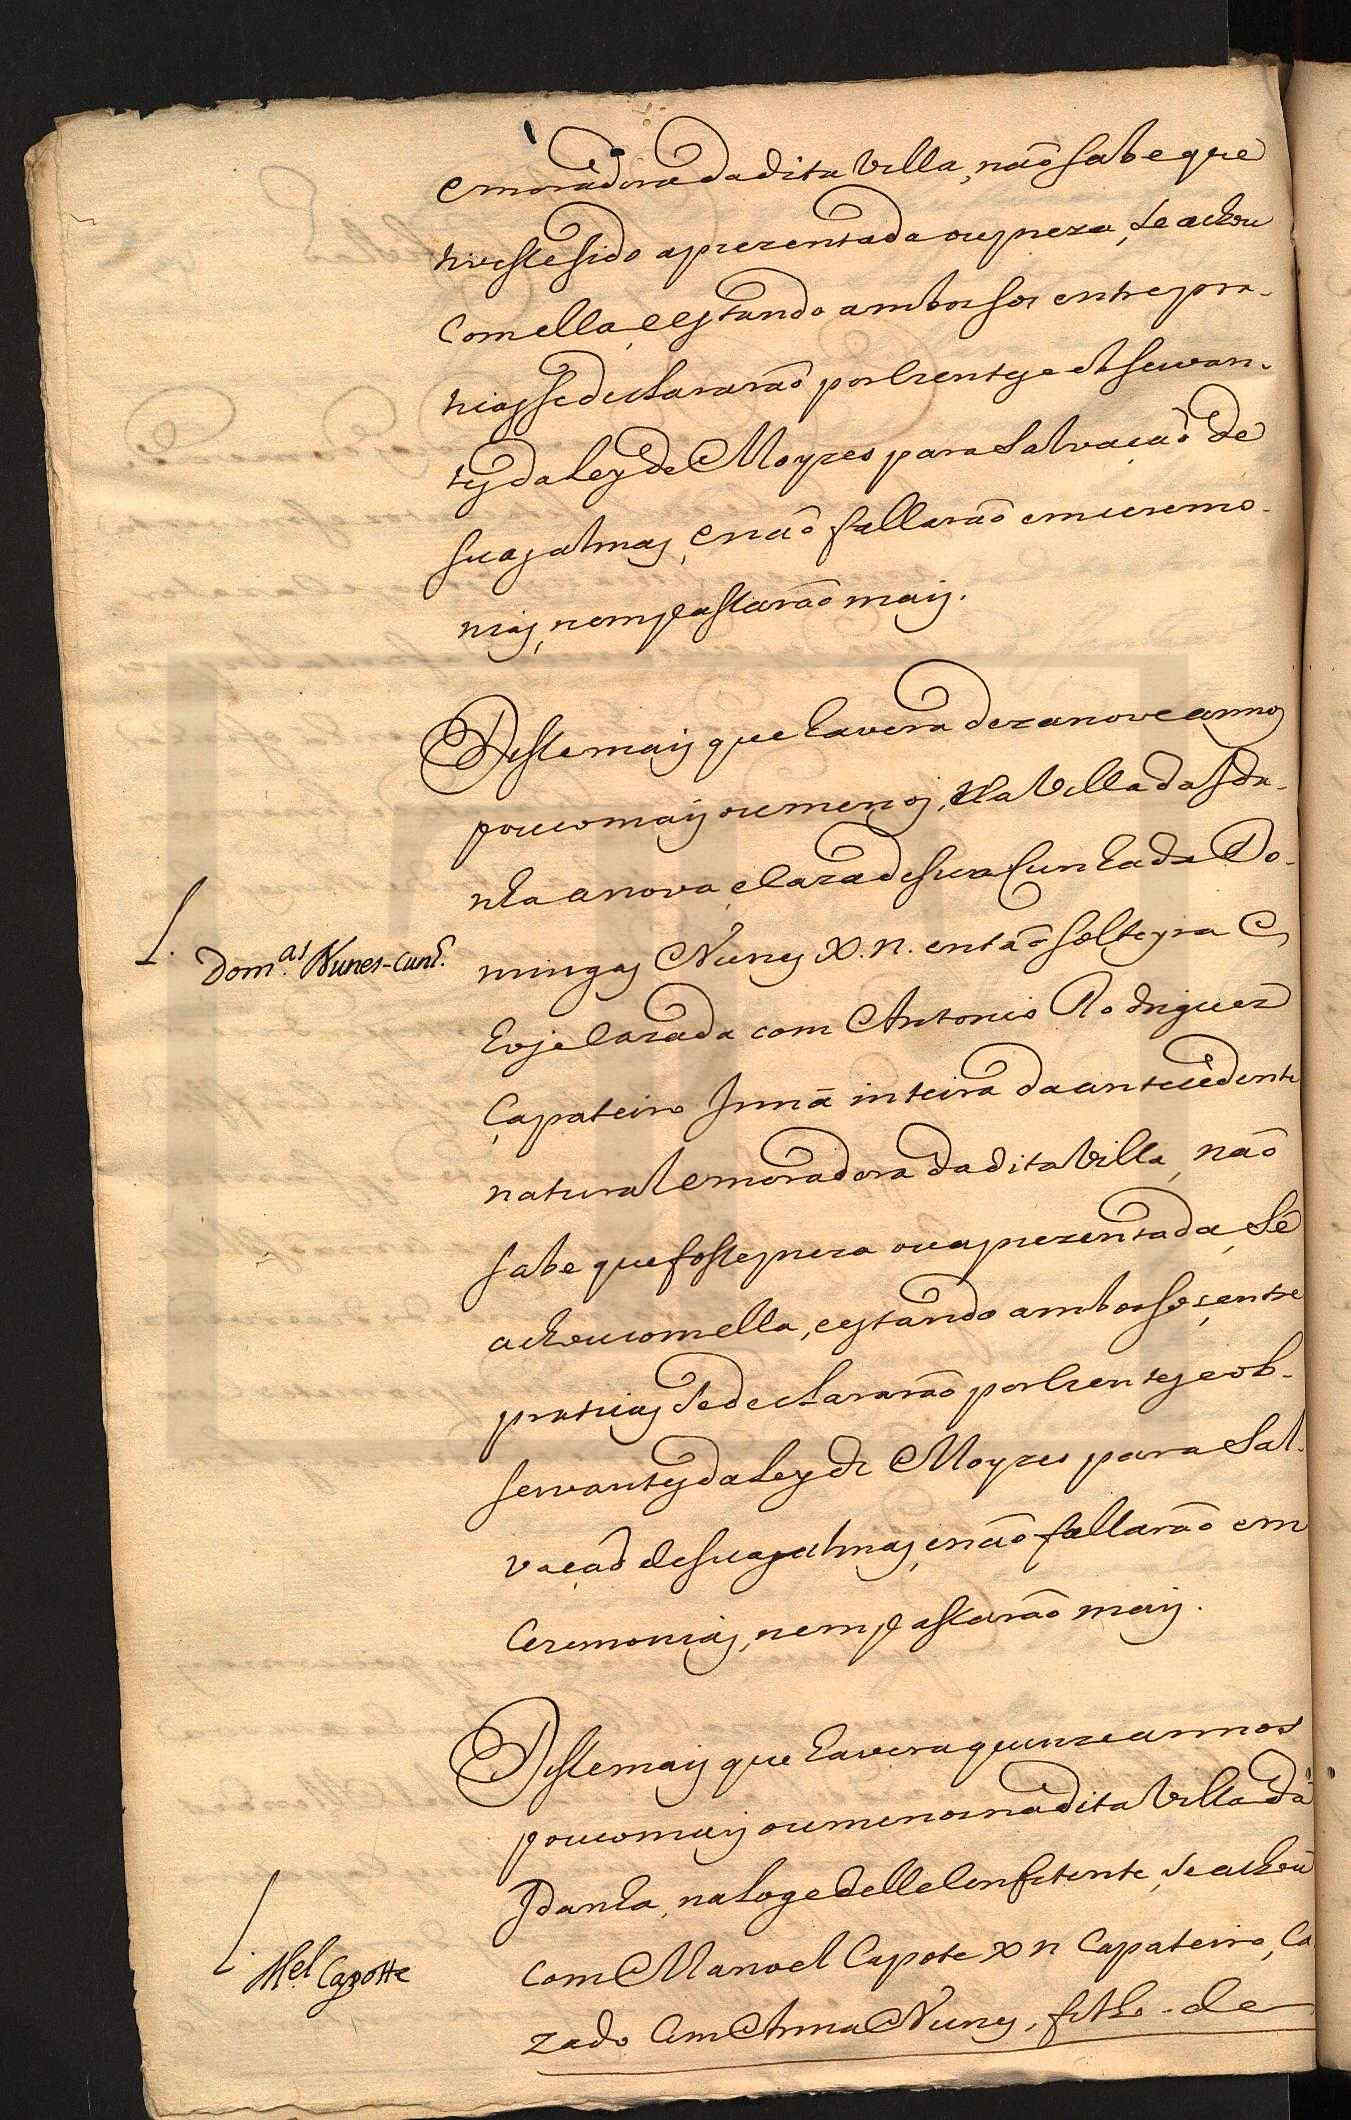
L.
Dom.as Nunes- cunh.
M.el Capotte
L.
e moradora da dita villa, naõ sabe que
tivesse sido aprezentada ou preza, se achou
Com ella, e estando amboz sos entre pra
ticas se desclararaõ por Crentes e observan
tes da Ley de Moyzes para Salvaçaõ de
suas almas, e naõ fallaraõ em ceremo
nias, nem passaraõ mais.
Disse que havera dezanove annos
pouco mais ou menos, na Villa da Jda
nha a nova, e Caza de sua Cunhada Do
mingas Nunes x.n. entaõ solteyra E
hoje Cazada com Antonio Rodriguez
Çapateiro Jrmã inteira da antecedente
natural e moradora da dita villa, naõ
sabe que fosse preza ou aprezentada, Se
achou com ella, e estando ambos sos, entre
praticas se declararaõ por Crentes e ob
servantes da Ley de Moyzes para Sal
vaçaõ de suas almas, e não fallarão em
Ceremonias, nem passarão mais.
Disse mais que havera quinze annos
pouco mais ou menos na dita Villa da
Jdanha, na Loge delle Confitente, se achou
Com Manoel Capote xn Capateiro, Ca
zado Com Anna Nunes, filho de
